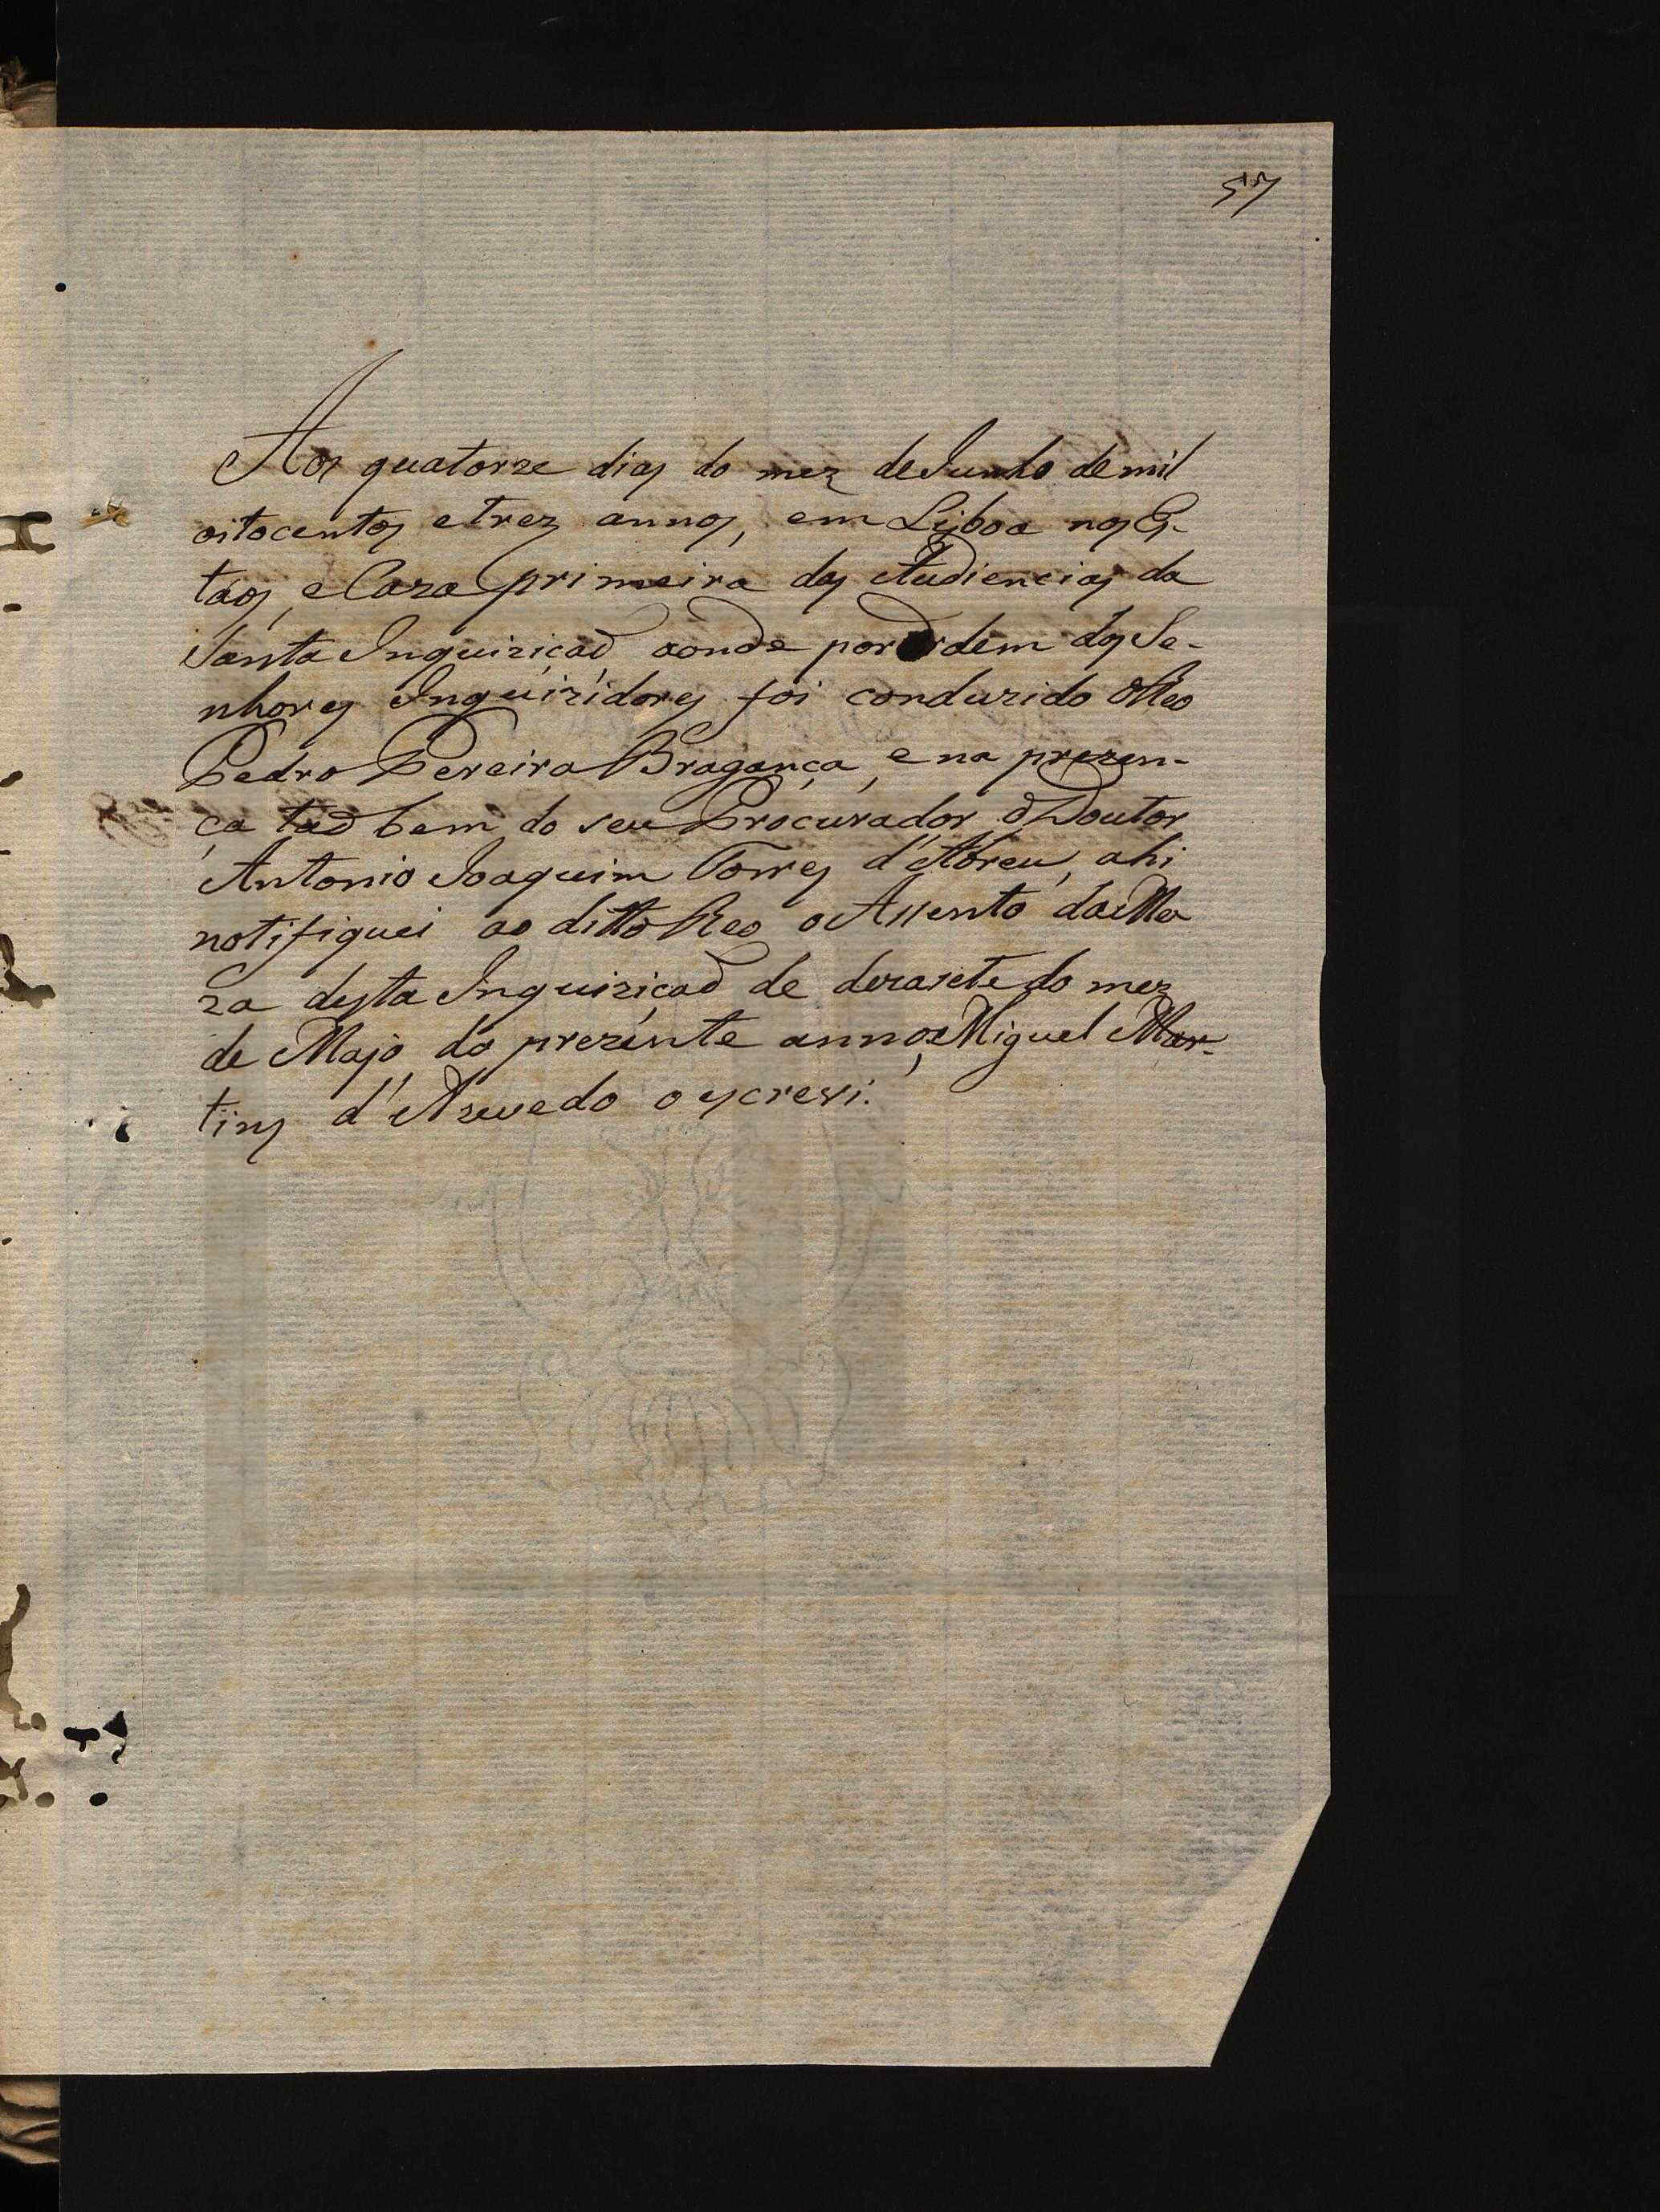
Aos quatorze dias do mez de Iunho de mil
oitocentos e trez annos, em Lisboa nos Es
táos, e Caza primeira das Audiencias da
Santa Inquiziçaõ, aonde por o_dem dos Se
nhores Inquizidores foi conduzido o Reo
Pedro Pereira Bragança, e na prezen
ça taõbem do seu Procurador o Doutor
Antonio Ioaquim Torres d'Abreu, ahi
notifiquei ao ditto Reo o Assento da Me
za desta Inquiziçaõ de dezasete do mez
de Majo do prezente anno; Miguel Mar
tins d'Azevedo o escrevi.
